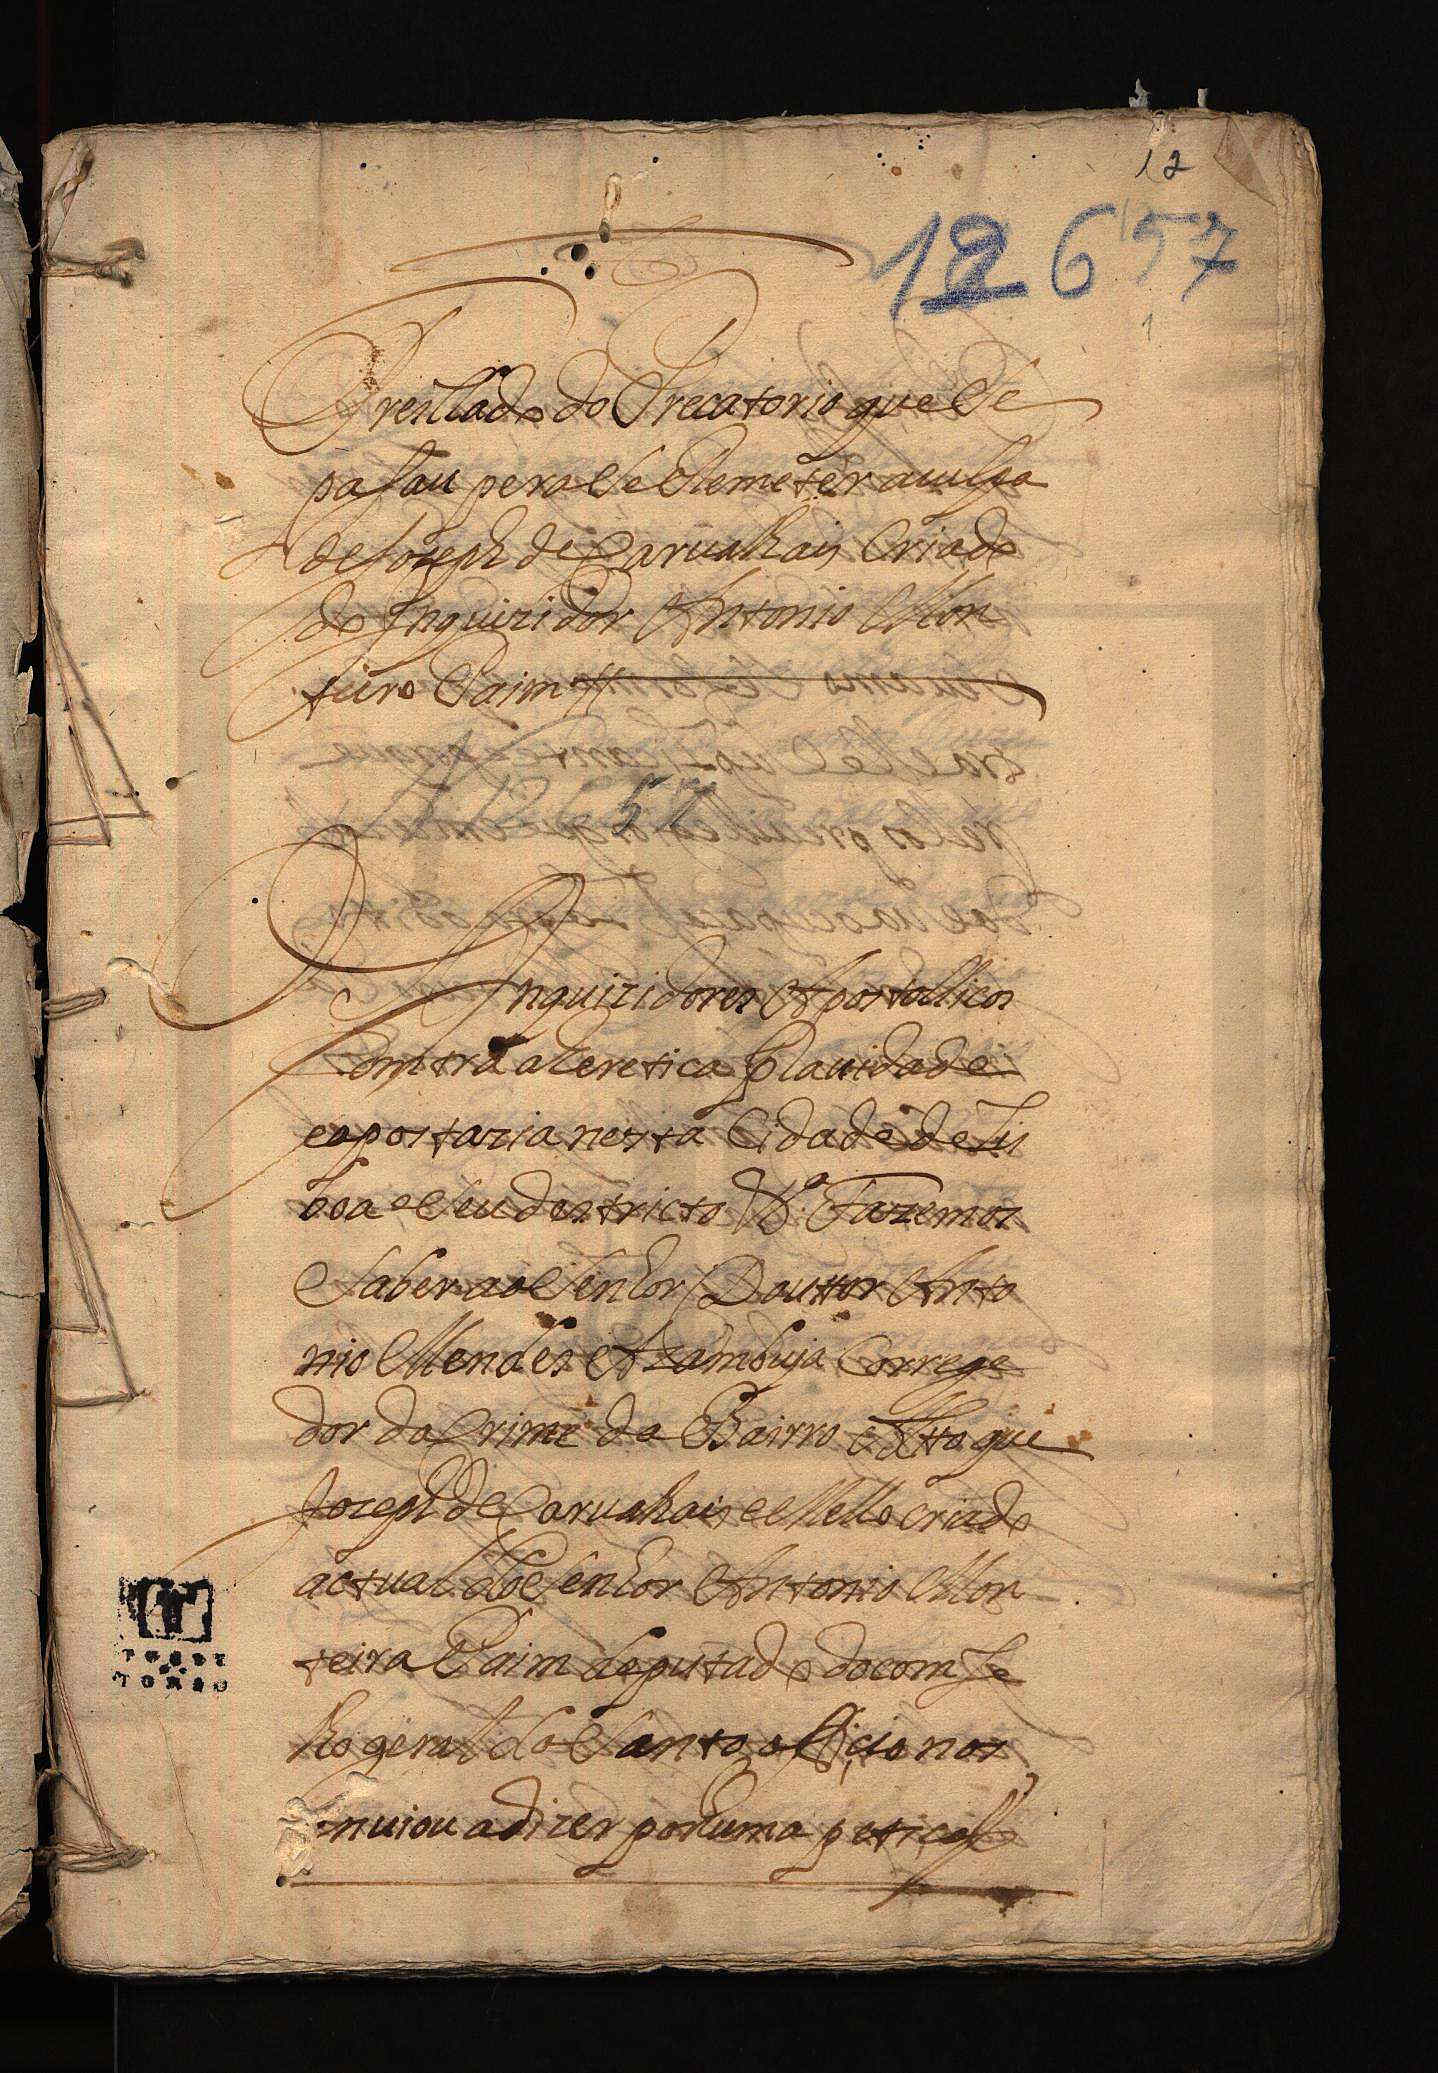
Tresllado do Precatorio que se
passou pera Se Remeter a culpa
de Jozeph de Carualhais Criado
do Jnquizidor Antonio Mon
teiro Paim //
OS Jnquizidores Apostollicos
Comtra a heretica prauidade
e apostazia nesta Cidade de Lis
boa e seu destricto &.a Fazemos
Saber ao Senhor Douttor Anto
nio Mendes Azambuja Correge
dor do Crime do Bairro Altto que
Jozeph de Carualhais e Mello criado
actual do Senhor Antonio Mon
teiro Paim deputado do comse
lho geral do Santo officio nos
enuiou a dizer por huma petiçaõ
